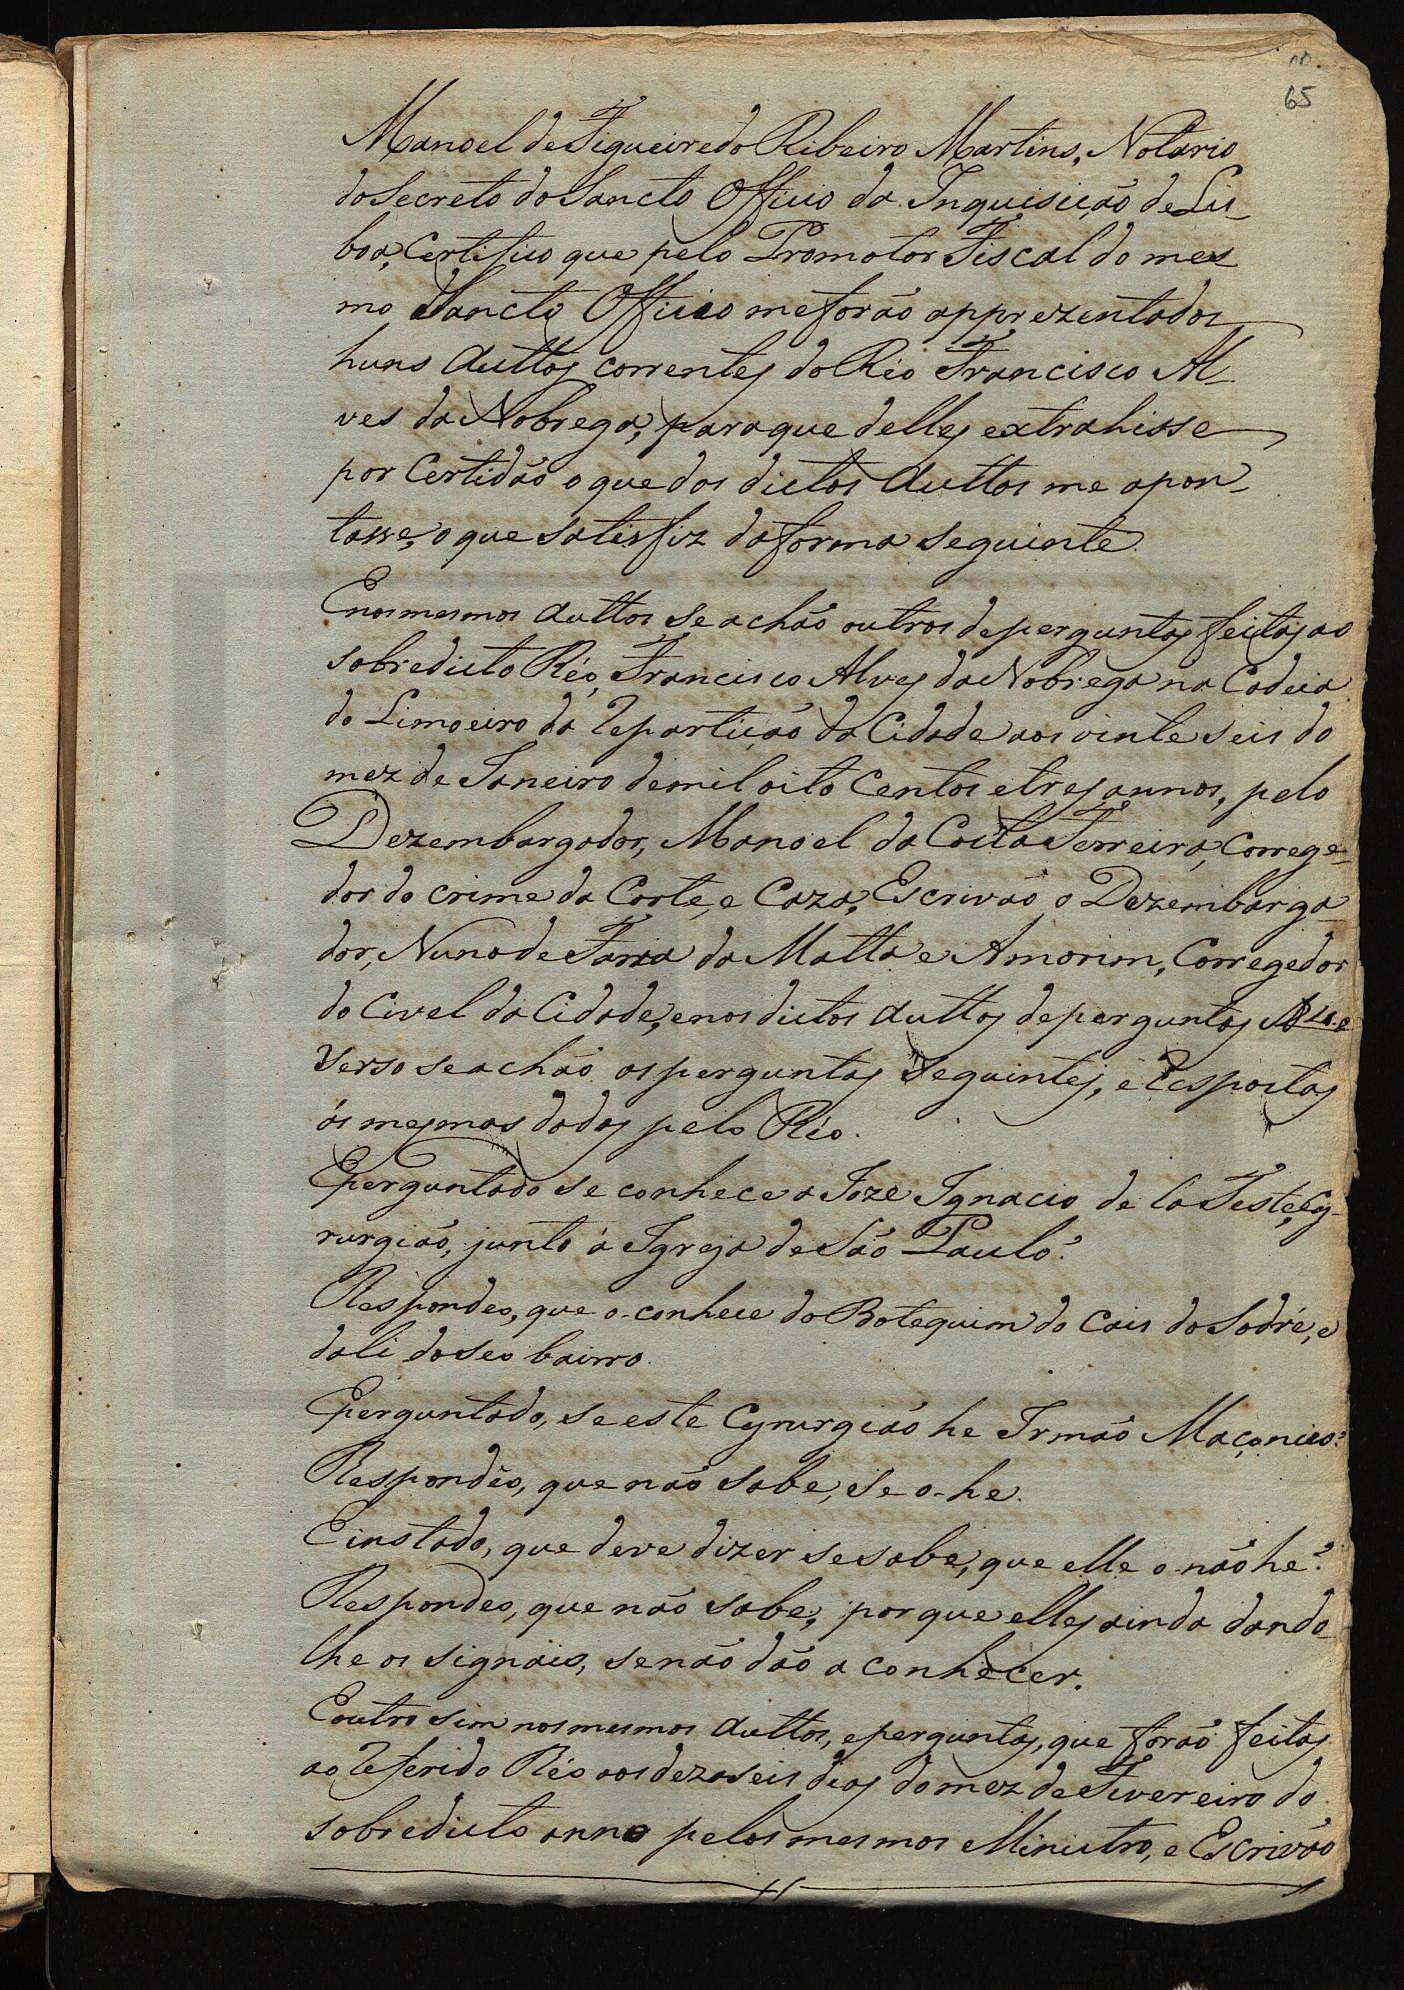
Manoel de Figueiredo Ribeiro Martins, Notario
do Secreto do Sancto Officio da Inquisiçaõ de Lis
boa, certifico que pelo Promotor Fiscal do mes
mo Sancto Officio me foraõ apprezentados
huns Auttos correntes do Réo Francisco Al
ves da Nobrega, para que delles extrahisse
por certidaõ o que dos dictos Auttos me apon
tasse, e o que satisfiz da forma seguinte.
E nos mesmos Auttos se achaõ outros de perguntas feitas ao
sobredicto Réo, Francisco Alves da Nobrega na Cadeia
do Limoeiro da Repartiçaõ da Cidade aos vinte seis do
mez de Janeiro de mil oitocentos e tres annos, pelo
Dezembargador, Manoel da Costa Ferreira, Correge
dor do crime da Corte, e Caza, Escrivaõ o Desembarga
dor, Nuno de Faria da Malta e Amorim, Corregedor
do Civel da Cidade, e nos dictos Auttos de perguntas Af 16 _
verso se achaõ as perguntas seguintes, e respostas
ás mesmas dadas pelo Réo.
E perguntado se conhece Joze Ignacio de la Teste cy
rurgiaõ, junto á Igreja de Saõ Paulo?
Respondeo, que o conhece do Botequim do Cais do Sodré, e
dali do seu bairro.
Perguntado, se este cyrurgiaõ he Irmaõ Maçonico?
Respondêo, que naõ sabe, se o he.
E instado, que deve dizer se sabe, que elle o naõ he?
Respondeo, que naõ sabe, por que elles ainda dando
lhe os signais, se não daõ a conhecer.
E outro sim nos mesmos Auttos, e perguntas, que foraõ feitas
ao referido Réo aos dezaseis dias do mez de Fevereiro do
sobredicto anno pelos mesmos Ministro, e Escrivaõ
